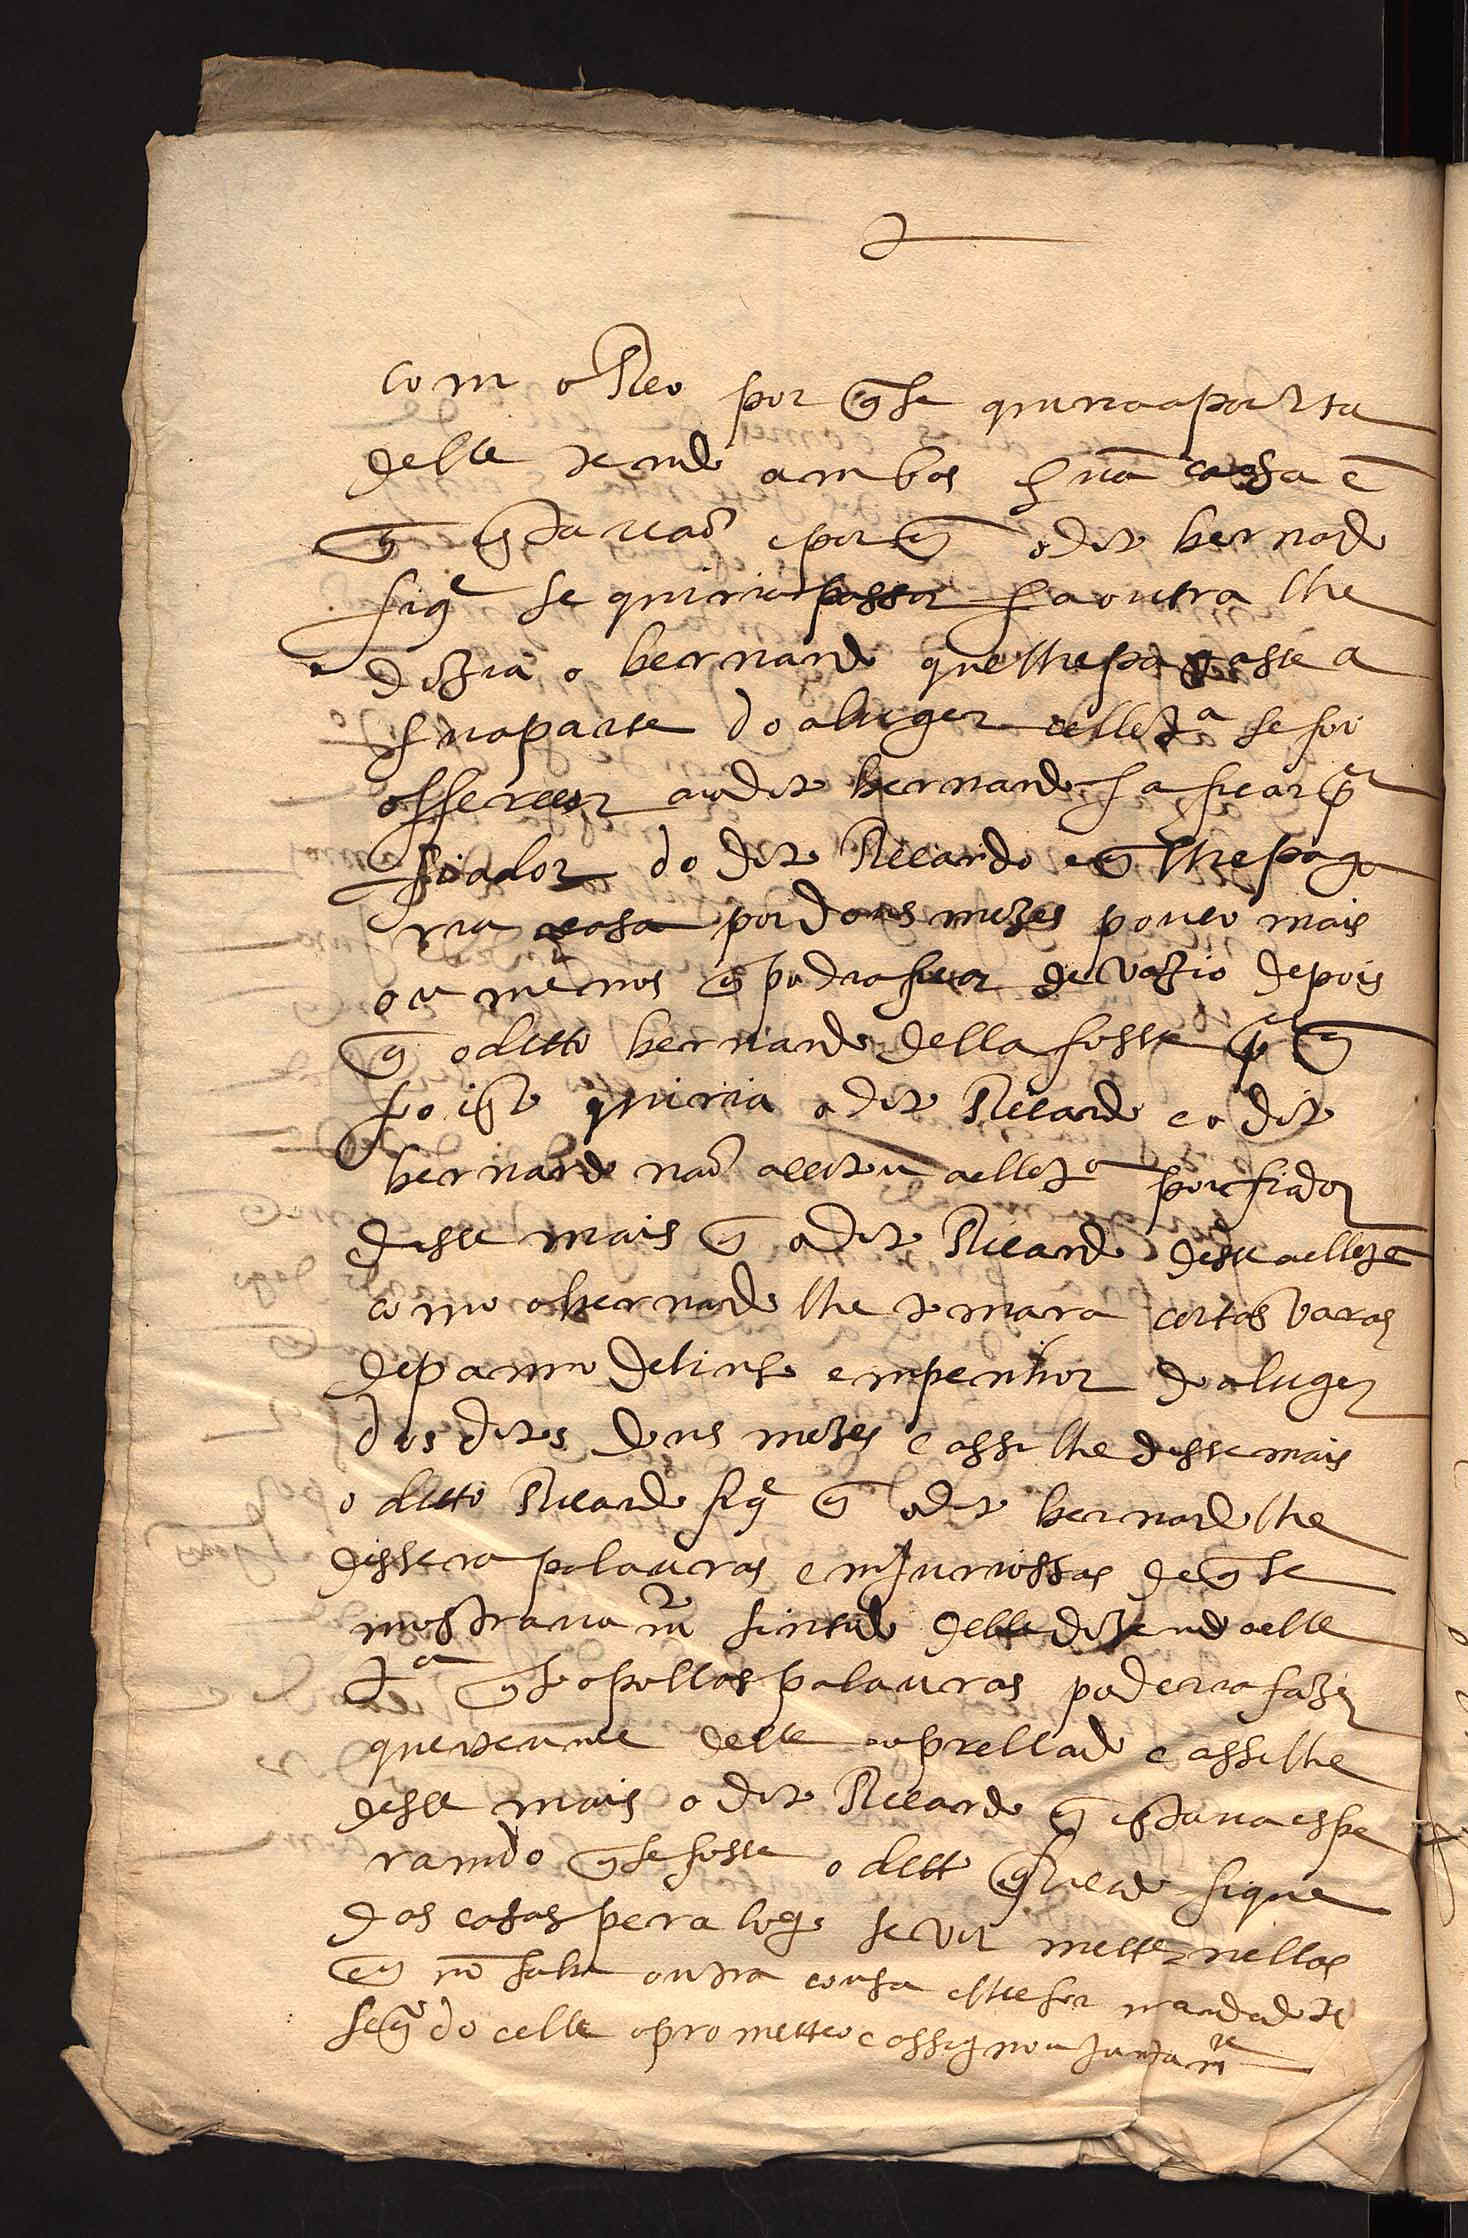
com o Reo porq̄ se queria aparta
delle tendo ambos huā casa ē
q̄ estauão e porq̄ o dito bernardo
fiqe se queria passar ꝑa outra lhe
dizia o bernardo que lhe pagasse a
sua parte do aluger e elle ta se foi
offerecer ao dito Bernardo ꝑa ficar por
fiador do dito Recardo e q̄ lhe paga
ria a casa por dous mezes pouco mais
ou menos q̄ podia ficar de vazio depois
q̄ o ditto bernando della fosse porq̄
soo isto quiria o dito Ricardo e o dito
bernardo naõ aceitou a elle ta por fiador
e disse mais q̄ o dito Recardo disse a elle ta
como o bernardo lhe tomara certas varas
de panno de linho em penhor do aluger
dos ditos dous mezes e assi lhe disse mais
o ditto Ricardo fiqe q̄ o dito bernado lhe
dissera palauras emJuriossas de q̄ se
mostraua mto sintido delle dizendo a elle
ta q̄ soo pollas palauras poderia fazer
queixume delle ao prellado e assi lhe
disse mais o dito Ricardo q̄ estaua espe
ramdo q̄ se fosse o ditto Ricado fique
das casas pera logo se vir metter nellas
e q̄ nō sabia outra cousa e lhe foi mandado te
seḡdo e elle o prometteo e assignou Juntamte
